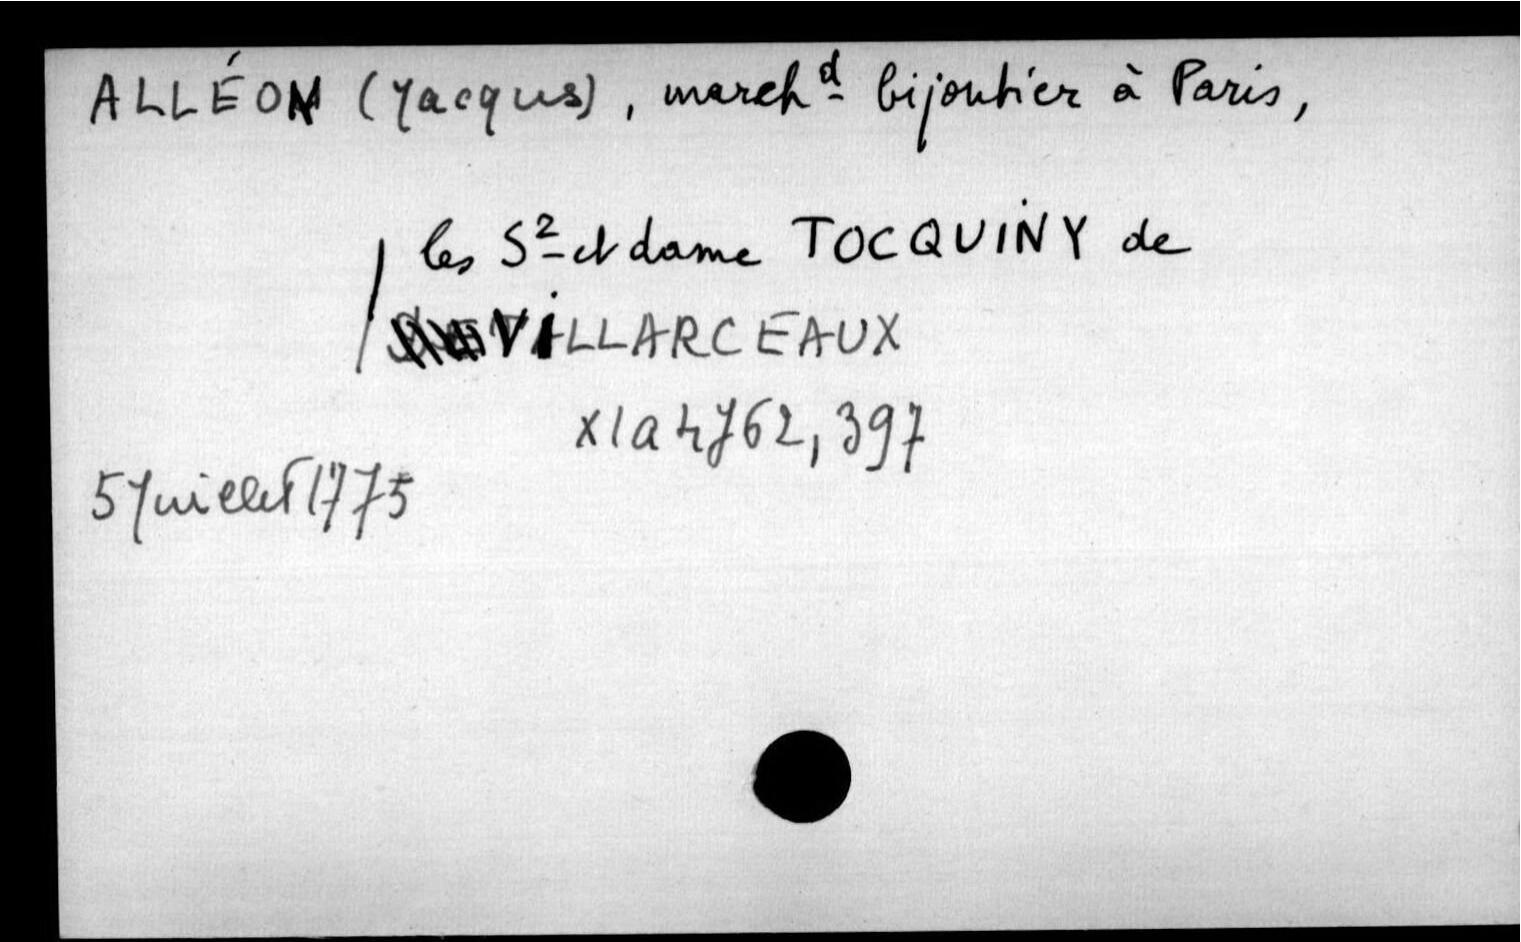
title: ALLÉON, marchand bijoutier à Paris.
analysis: Contre les sieurs et dame TOCQUINY de VILLARCEAUX
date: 5 juillet 1775
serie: X1a
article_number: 4762
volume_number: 397
